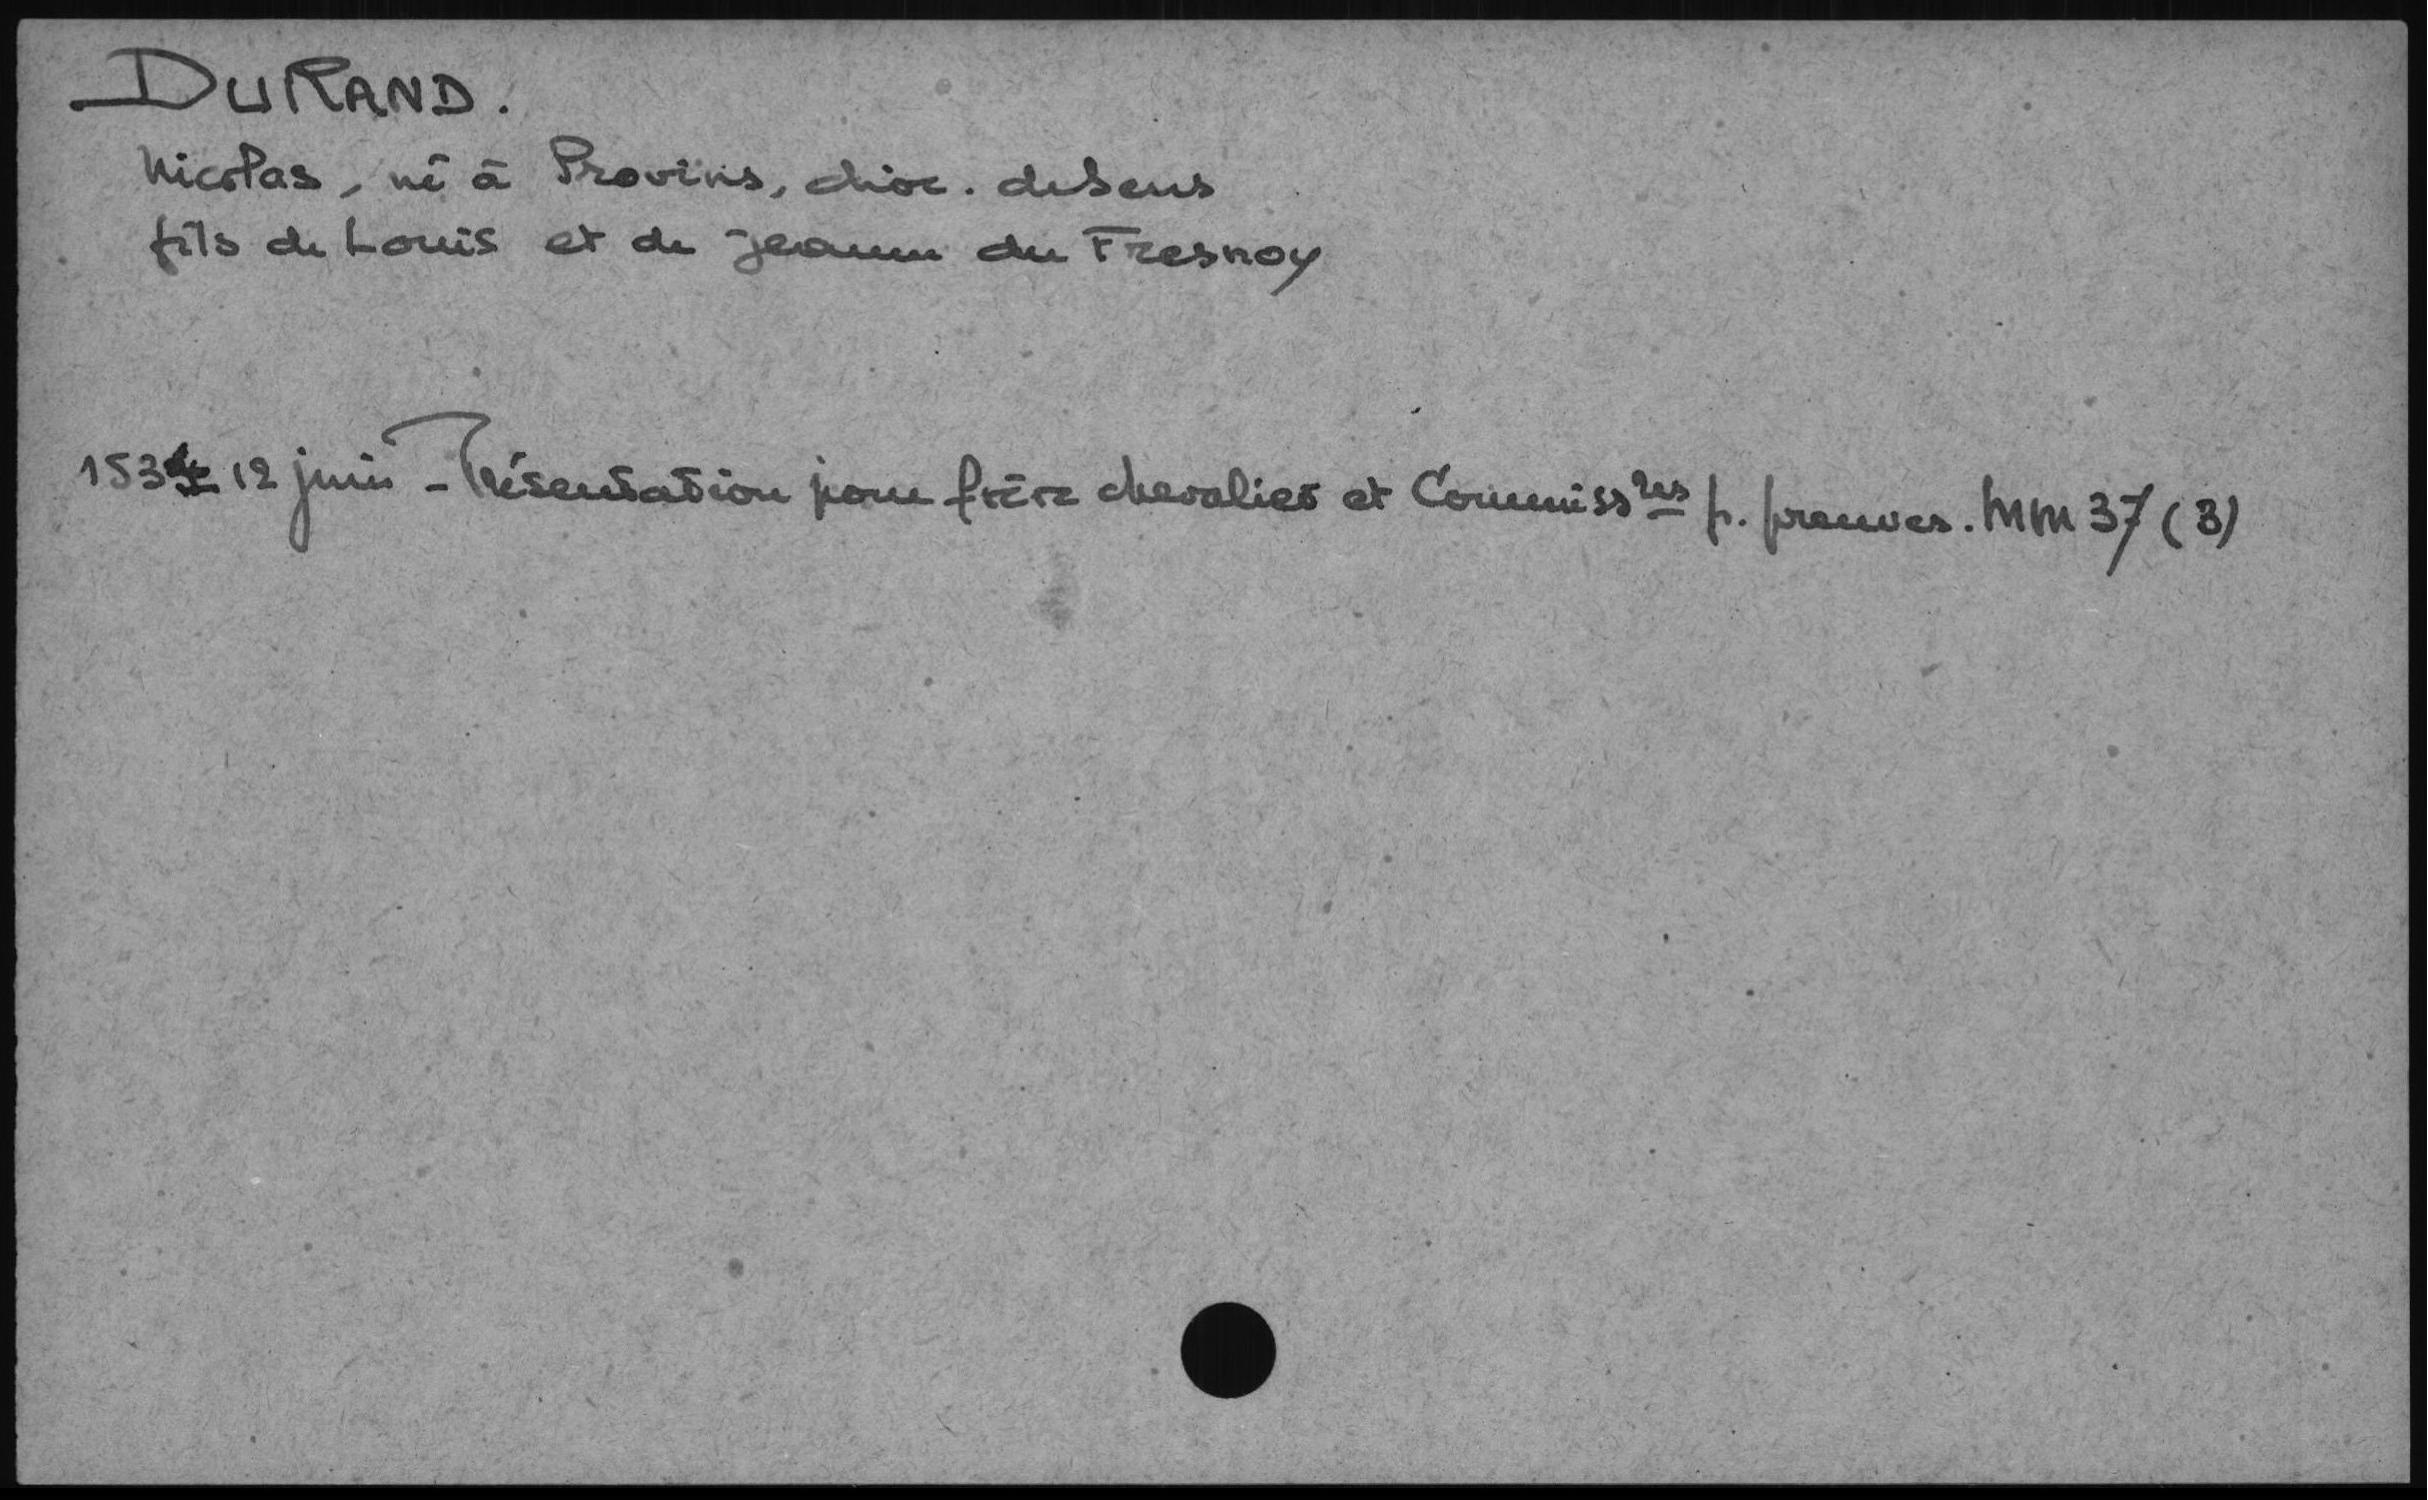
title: DU RAND Nicolas, né à Provins, diocèse de Sens fils de Louis et de Jeanne du Fresnoy
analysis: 1534, 12 juin. Présentation pour frère chevalier et commissaires pour preuves. MM 37 (8)
